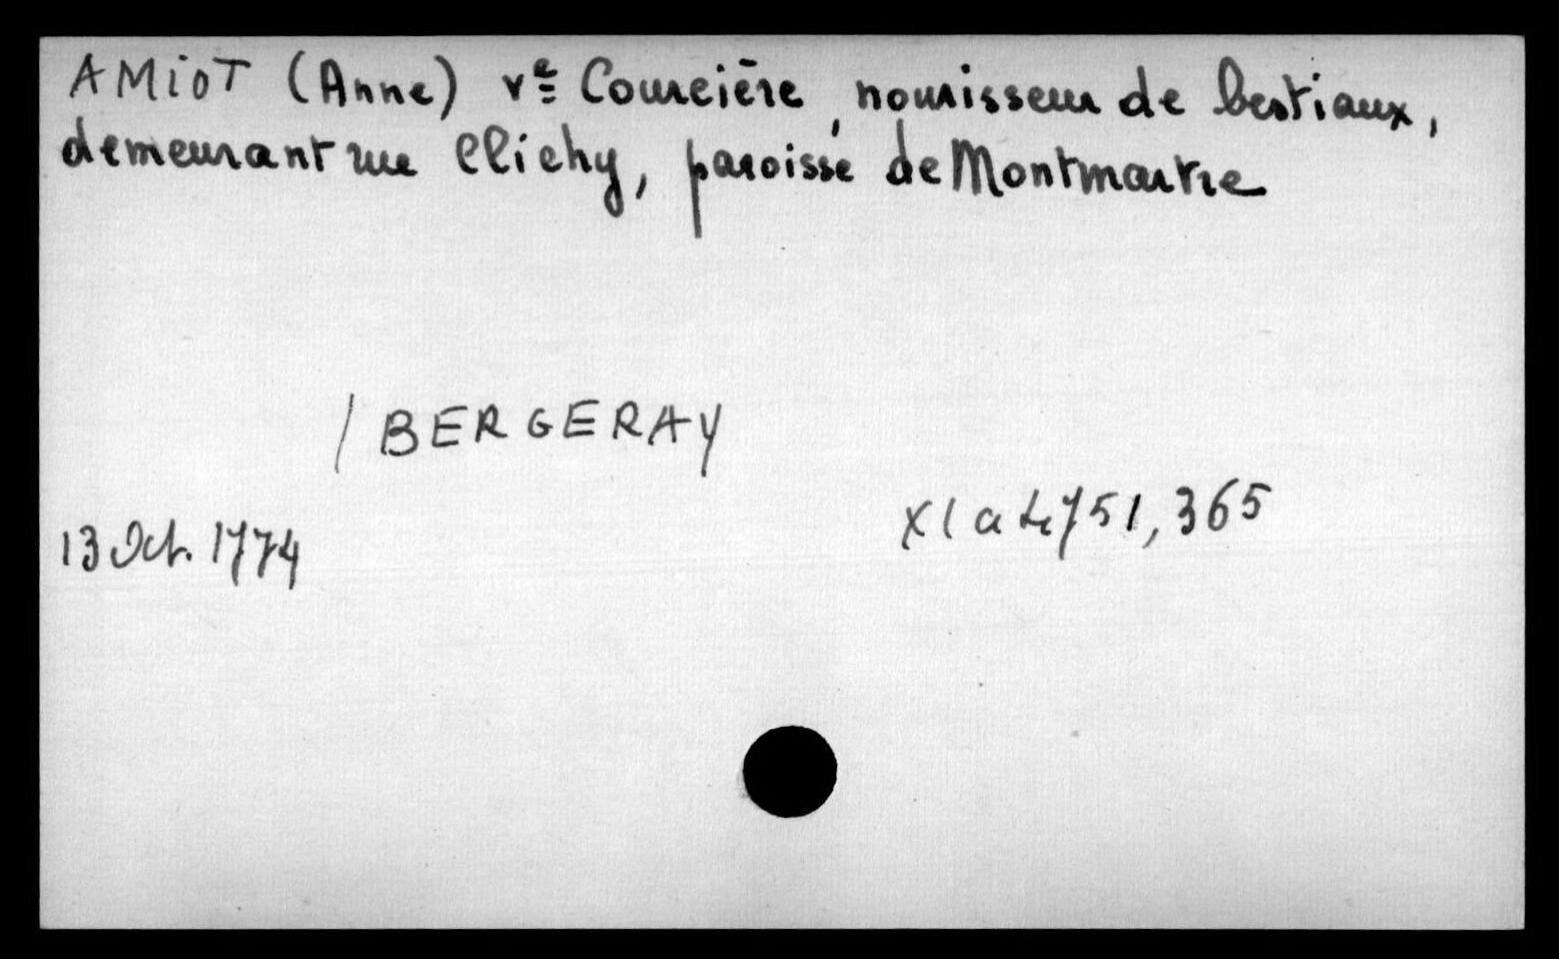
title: AMIOT (Anne) Veuve Courcière, nourrisseur de bestiaux, demeurant rue Clichy, paroisse de Montmartre
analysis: Contre BERGERAY
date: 13 octobre 1774
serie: X1a
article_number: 4751
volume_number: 365
